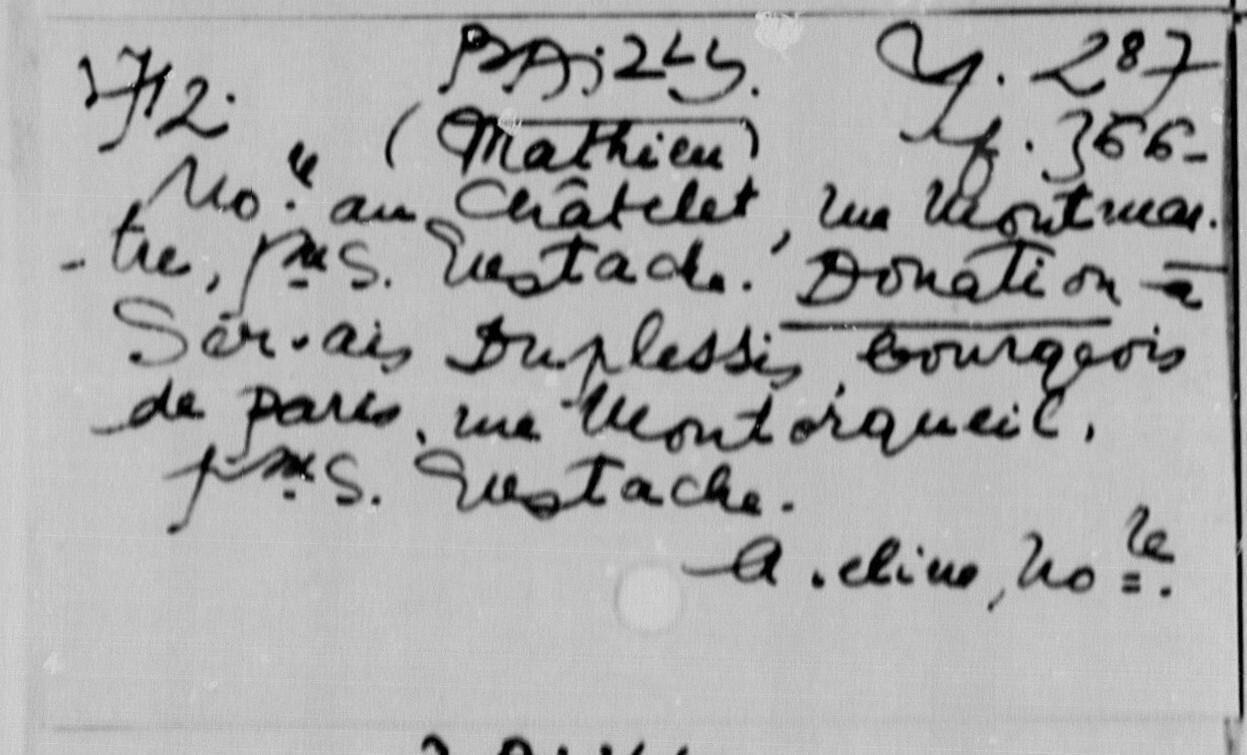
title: BAILLY (Mathieu)
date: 1712
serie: Y
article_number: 287
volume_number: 366
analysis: Notaire au Châtelet, rue Montmartre, paroisse Saint-Eustache. Donation à Servais Duplessis, bourgeois de Paris, rue Montorgueil, paroisse Saint-Eustache. Aveline, notaire.
